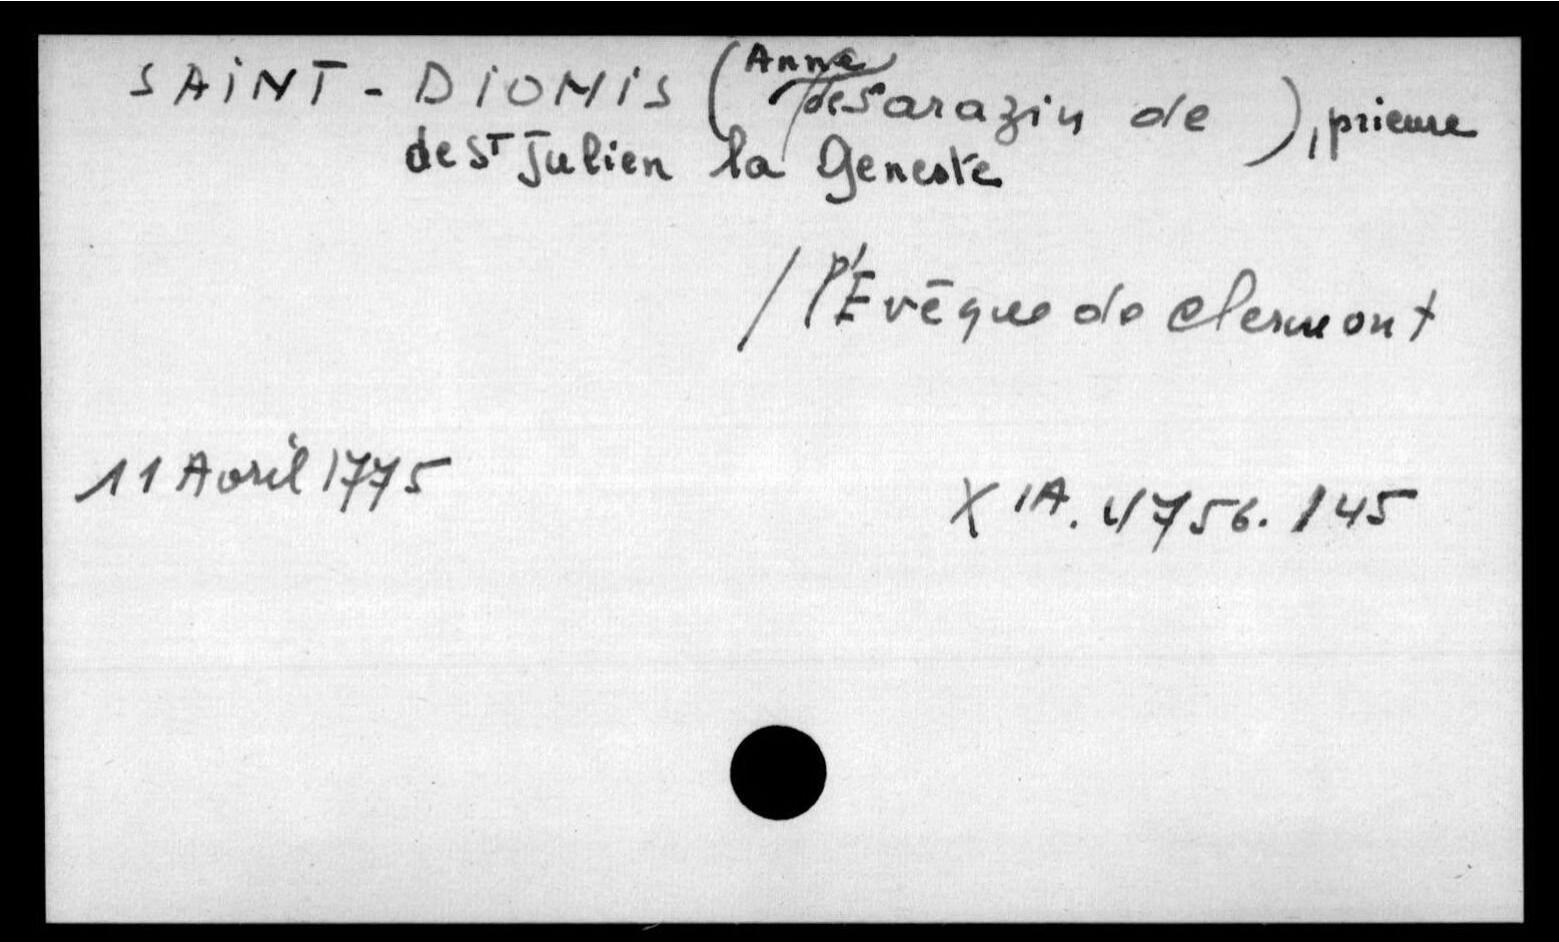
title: SAINT-DIOMIS (Anne de Sarazin de), prieuré Saint-Julien La Geneste
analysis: Contre l'Évéque de Clermont
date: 11 avril 1775
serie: X1A
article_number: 4756
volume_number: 145
